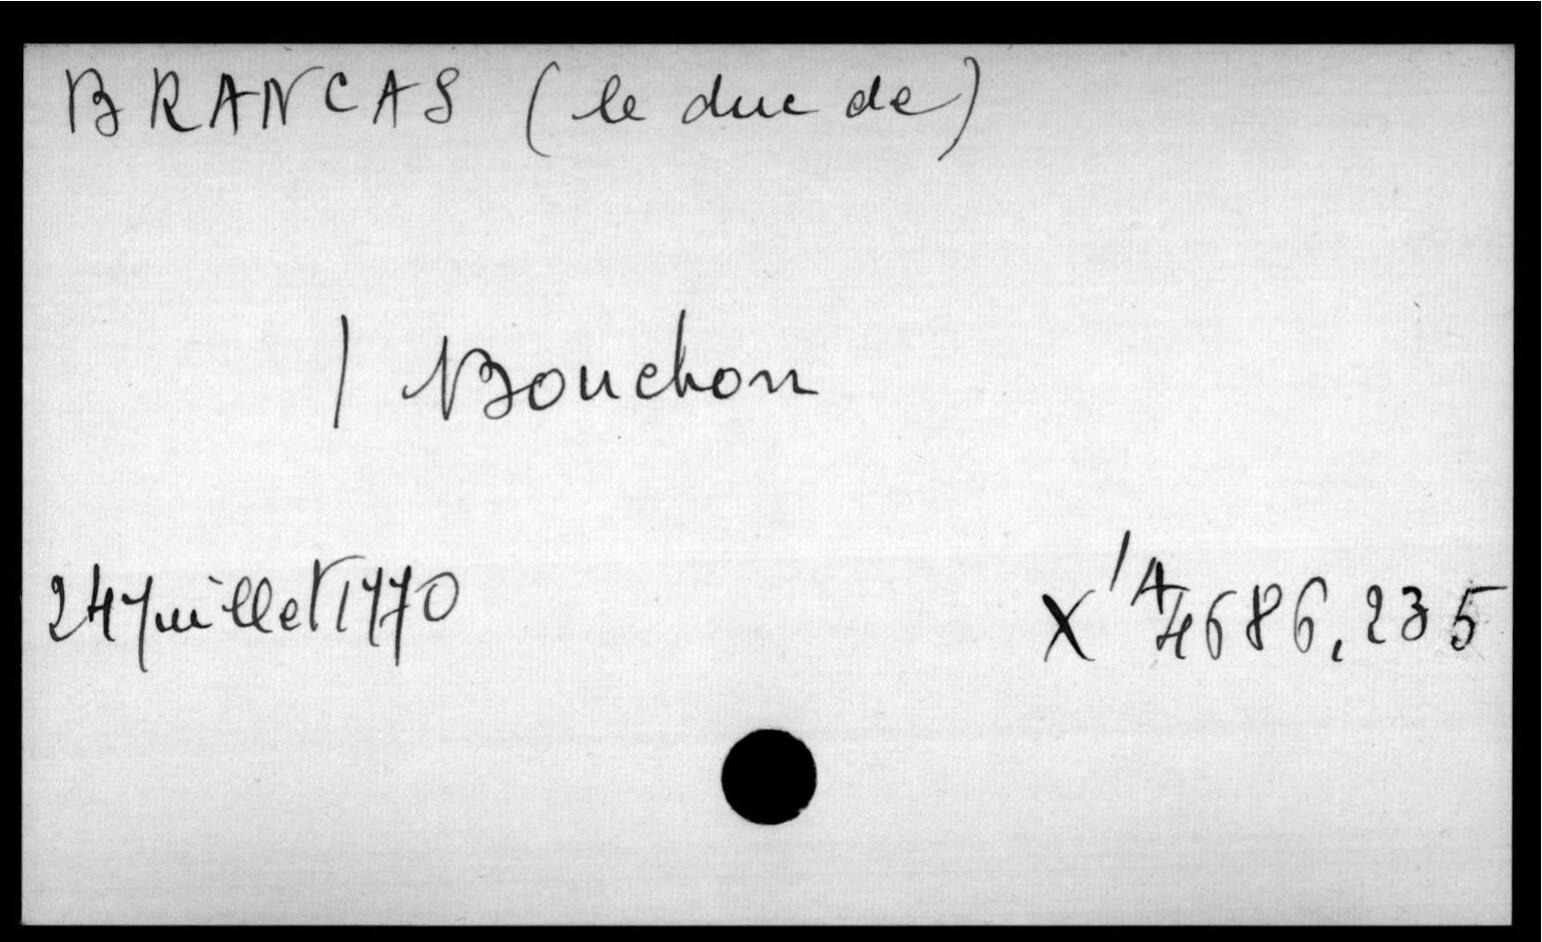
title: BRANCAS (le duc de)
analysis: Contre Bouchon
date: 24 juillet 1770
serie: X1A
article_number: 4686
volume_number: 235
